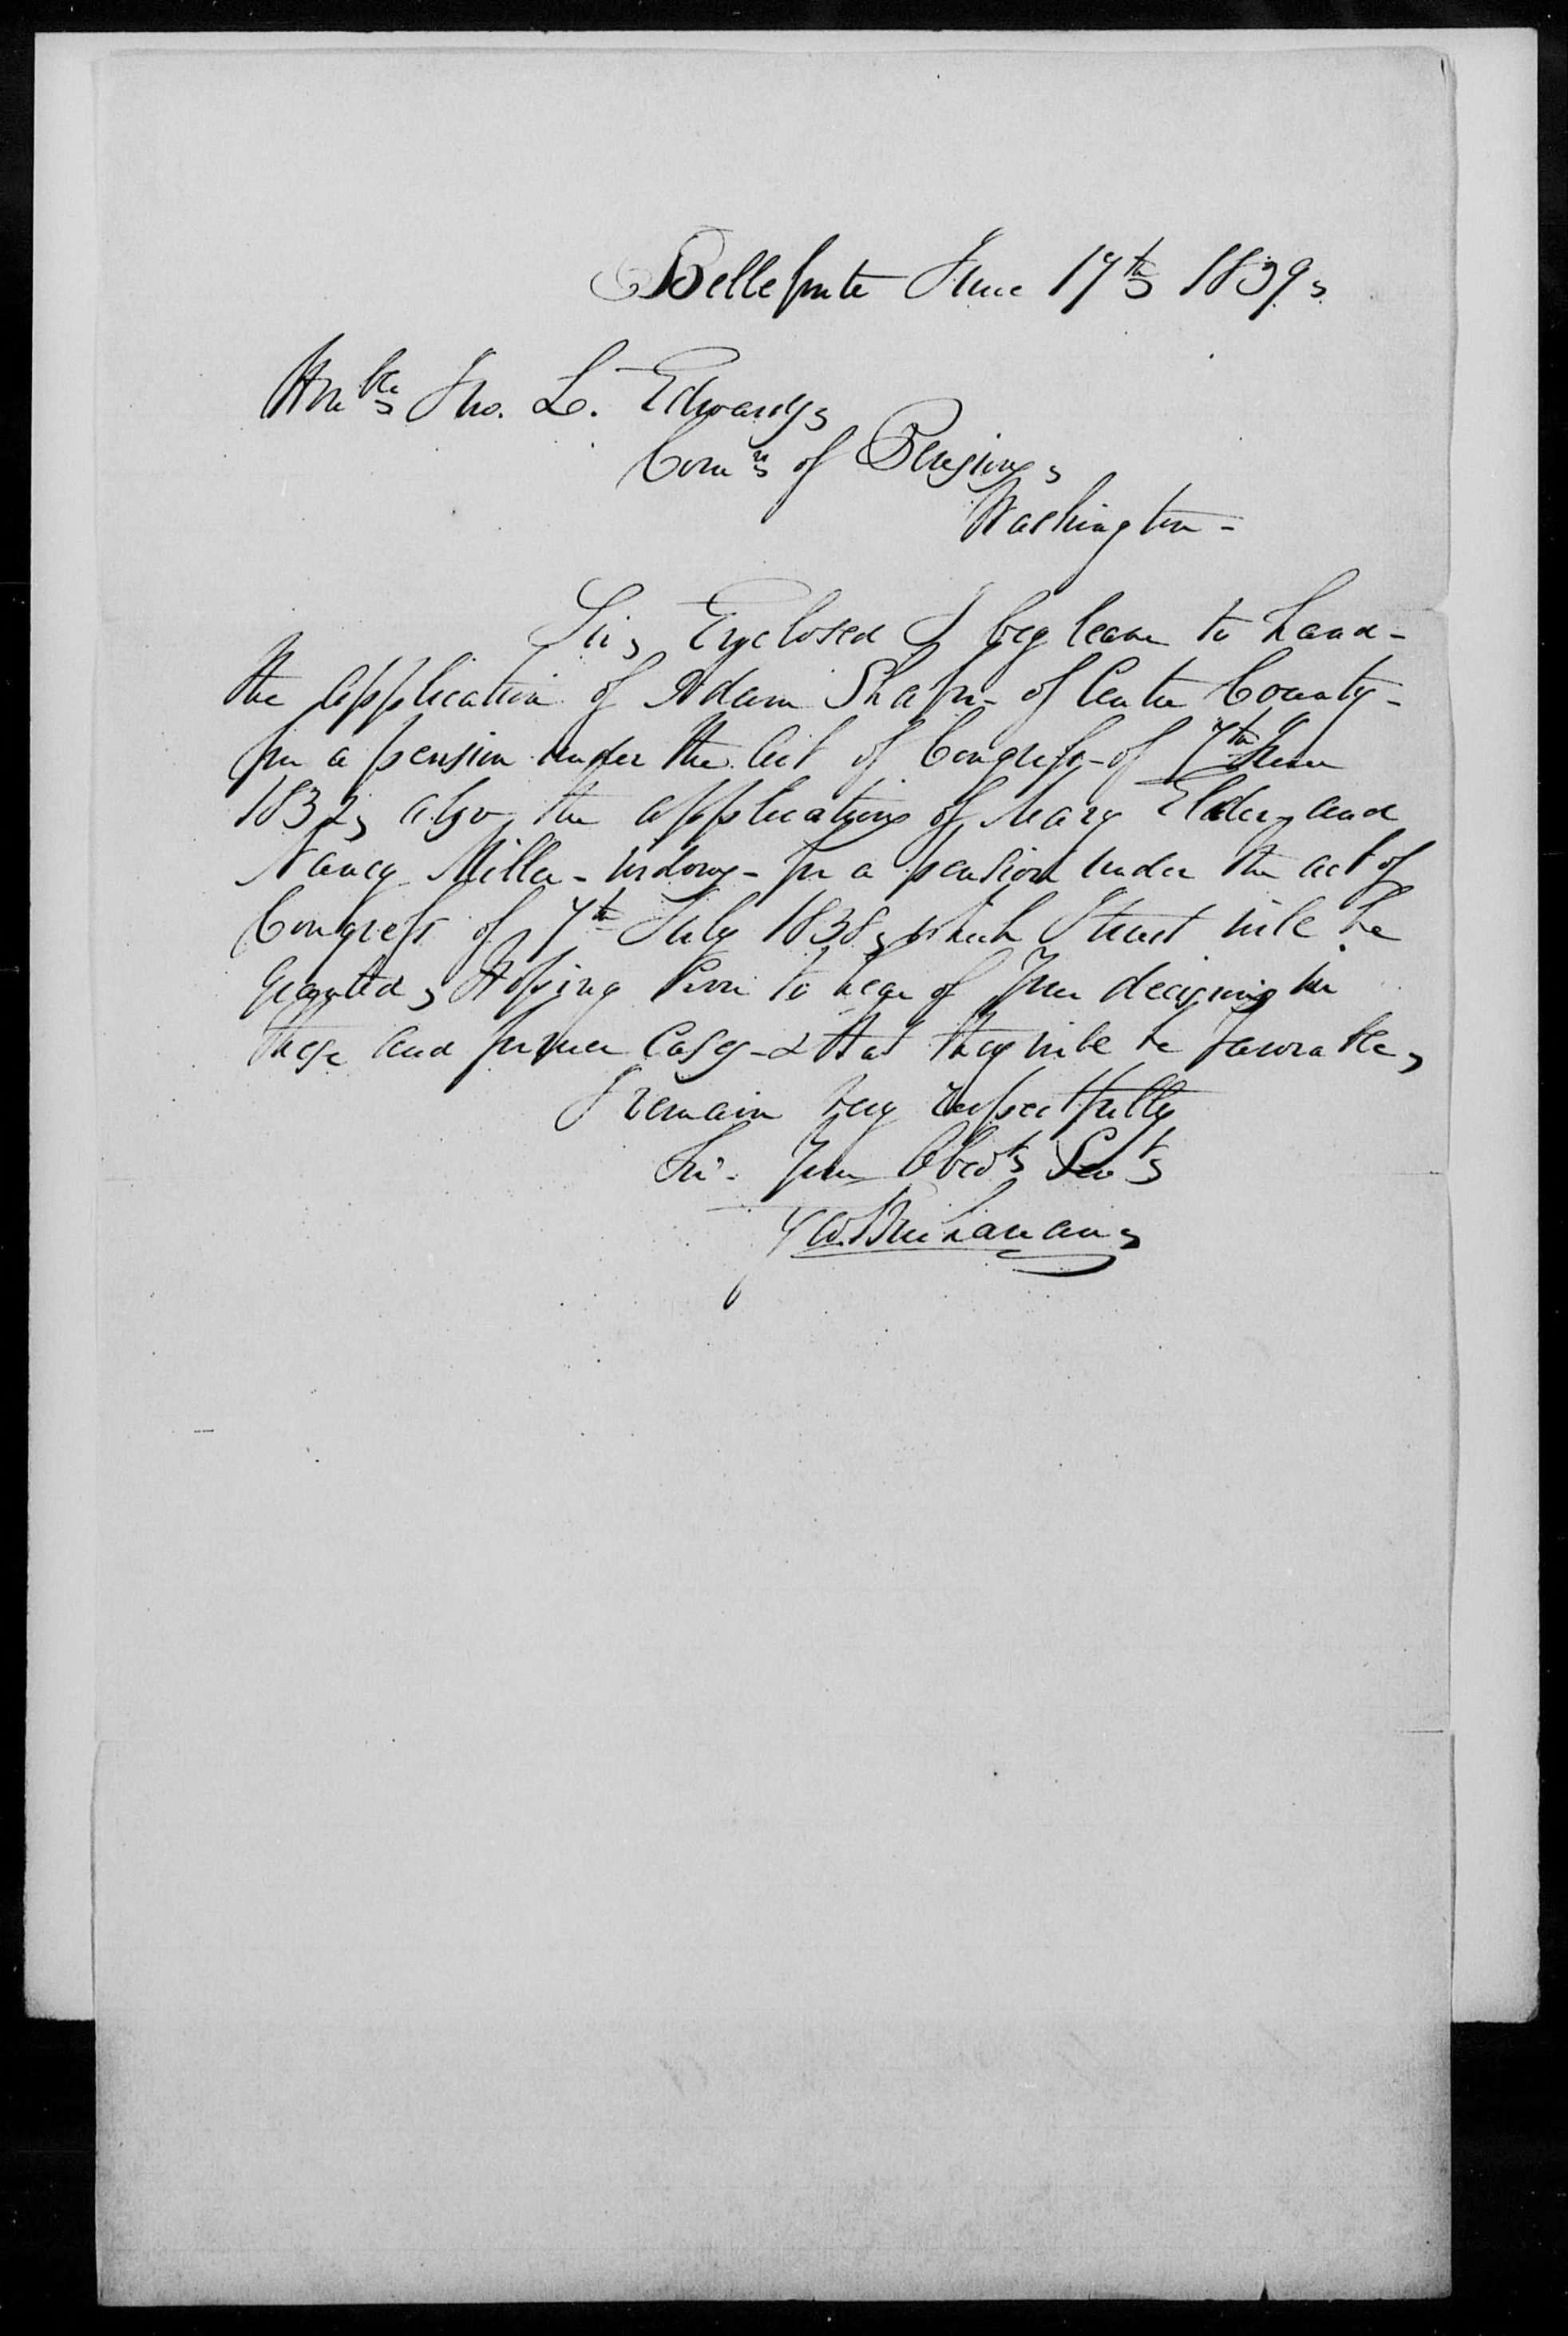Bellefonte June 17th 1839
Honorable Thomas L Edwards
Committee of Pensions
Washington
This Enclosed I beg leave to hand the application of Adam Shafer of Centre County for a pension under the Act of Congress of 7th June, 1832, also the applications of Mary Elder and Nancy Miller - widows- for a pension under the Act of Congress of 4th July 1838 which I had will be signed, Hoping soon to hear of June decisions per these and further cases and that they will be favorable, 
I remain very respectfully
Sir your obedient Servant

[signature]
L W.  Buchannan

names: Jno L Edwards, Nancy Miller, Mary Elder, Geo Buchanan, Adam Shafer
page: 36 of 80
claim: widow's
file: W. 24117, John Elder, Penn.